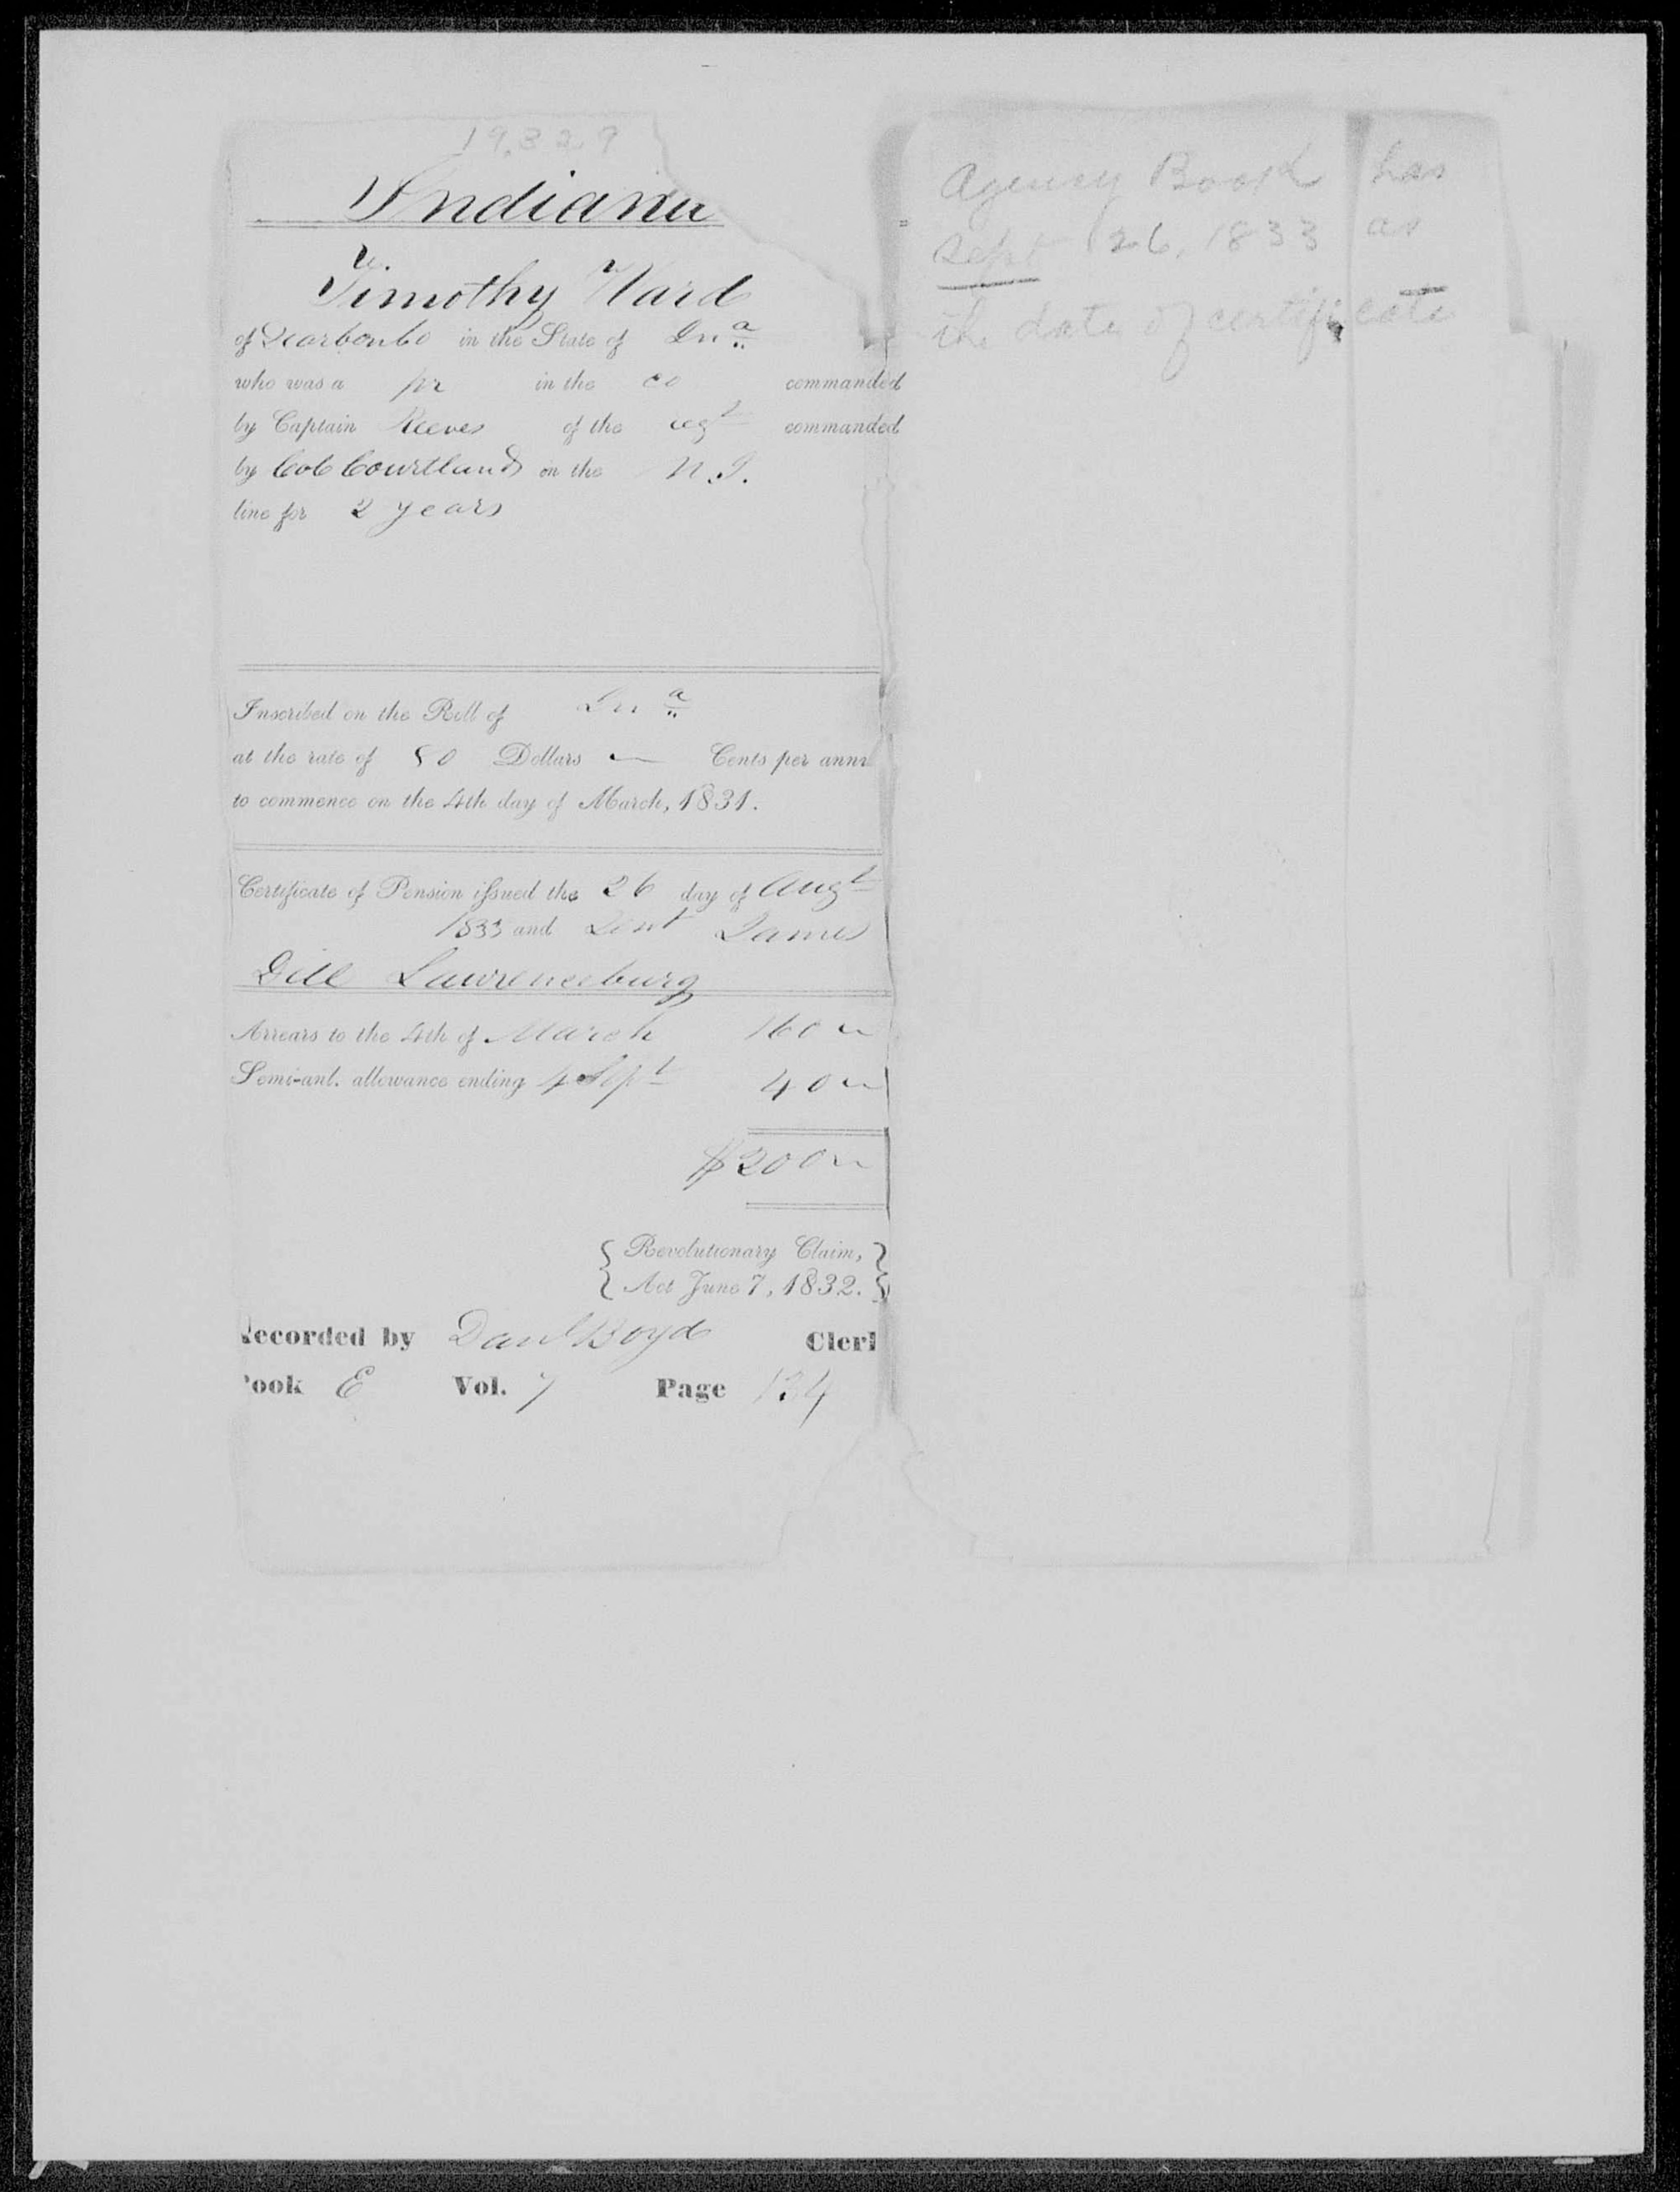19.329
Indiana
Timothy Ward
Dearborn Co. in the State of Ina.  who was a pr  in the  co commanded by Captain Reeve of the regt commanded by Col Courtland in the N.J. line for 2 years

Inscribed on the Roll of Ina. at the rate of 80. Dollars ---  Cents per annum to commence on the 4th day od March, 1831.

Certificate of Pension issued this 26 day of Augt  1833 and sent James Dill Lawrenceburg

Arrears to the 4th of March                   160 --
Semi-anl.  allowance ending 4th Apl.     40 --
                                                                 $200 --

{Revolutionary Claim, Act June 7, 1832.}

Recorded by. Danl Boyd  Clerk
Book E.  Vol.  7     Page. 134

Agency Book has Sept. 26, 1833 as the date of certificate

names: James Dill, Danl Boyd, Timothy Ward, Courtland, Reeves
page: 2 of 24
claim: survivor's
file: S. 17751, Timothy Ward, New Jersey